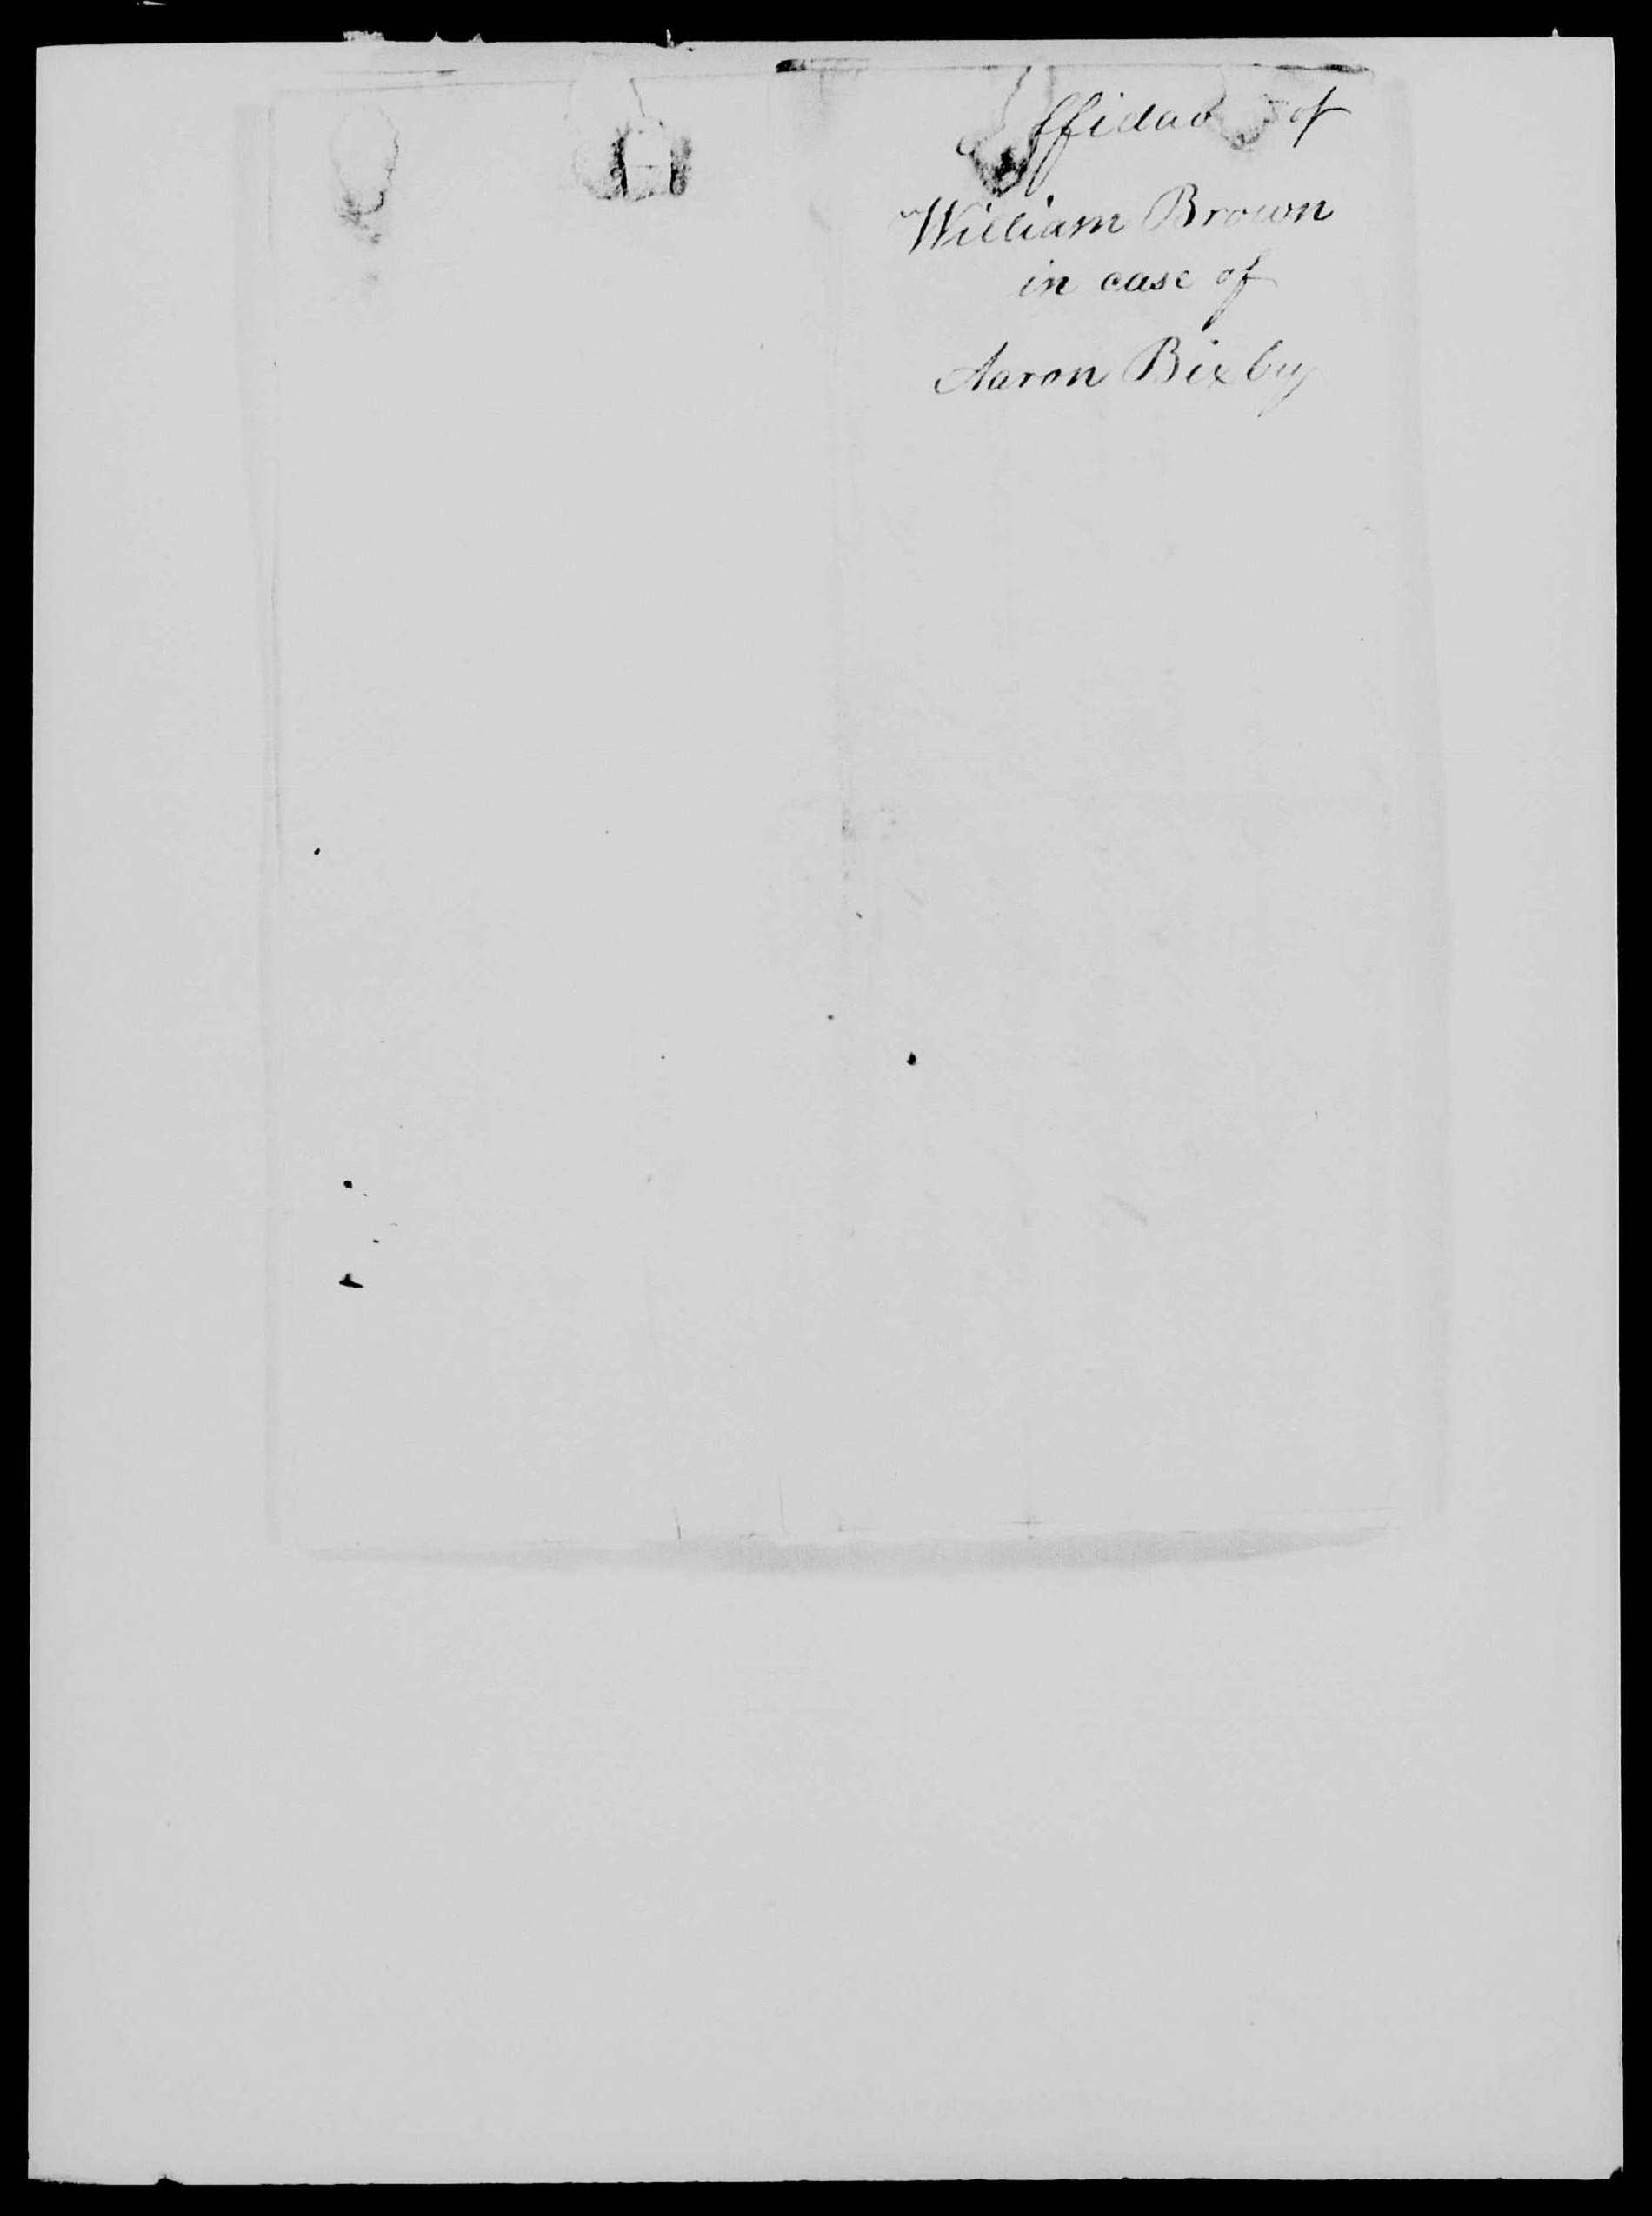Affidavit of 
William Brown 
in case of 
Aaron Bixby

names: William Brown, Aaron Bixby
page: 10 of 17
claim: survivor's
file: S 41436, Aaron Bixby, N.H.